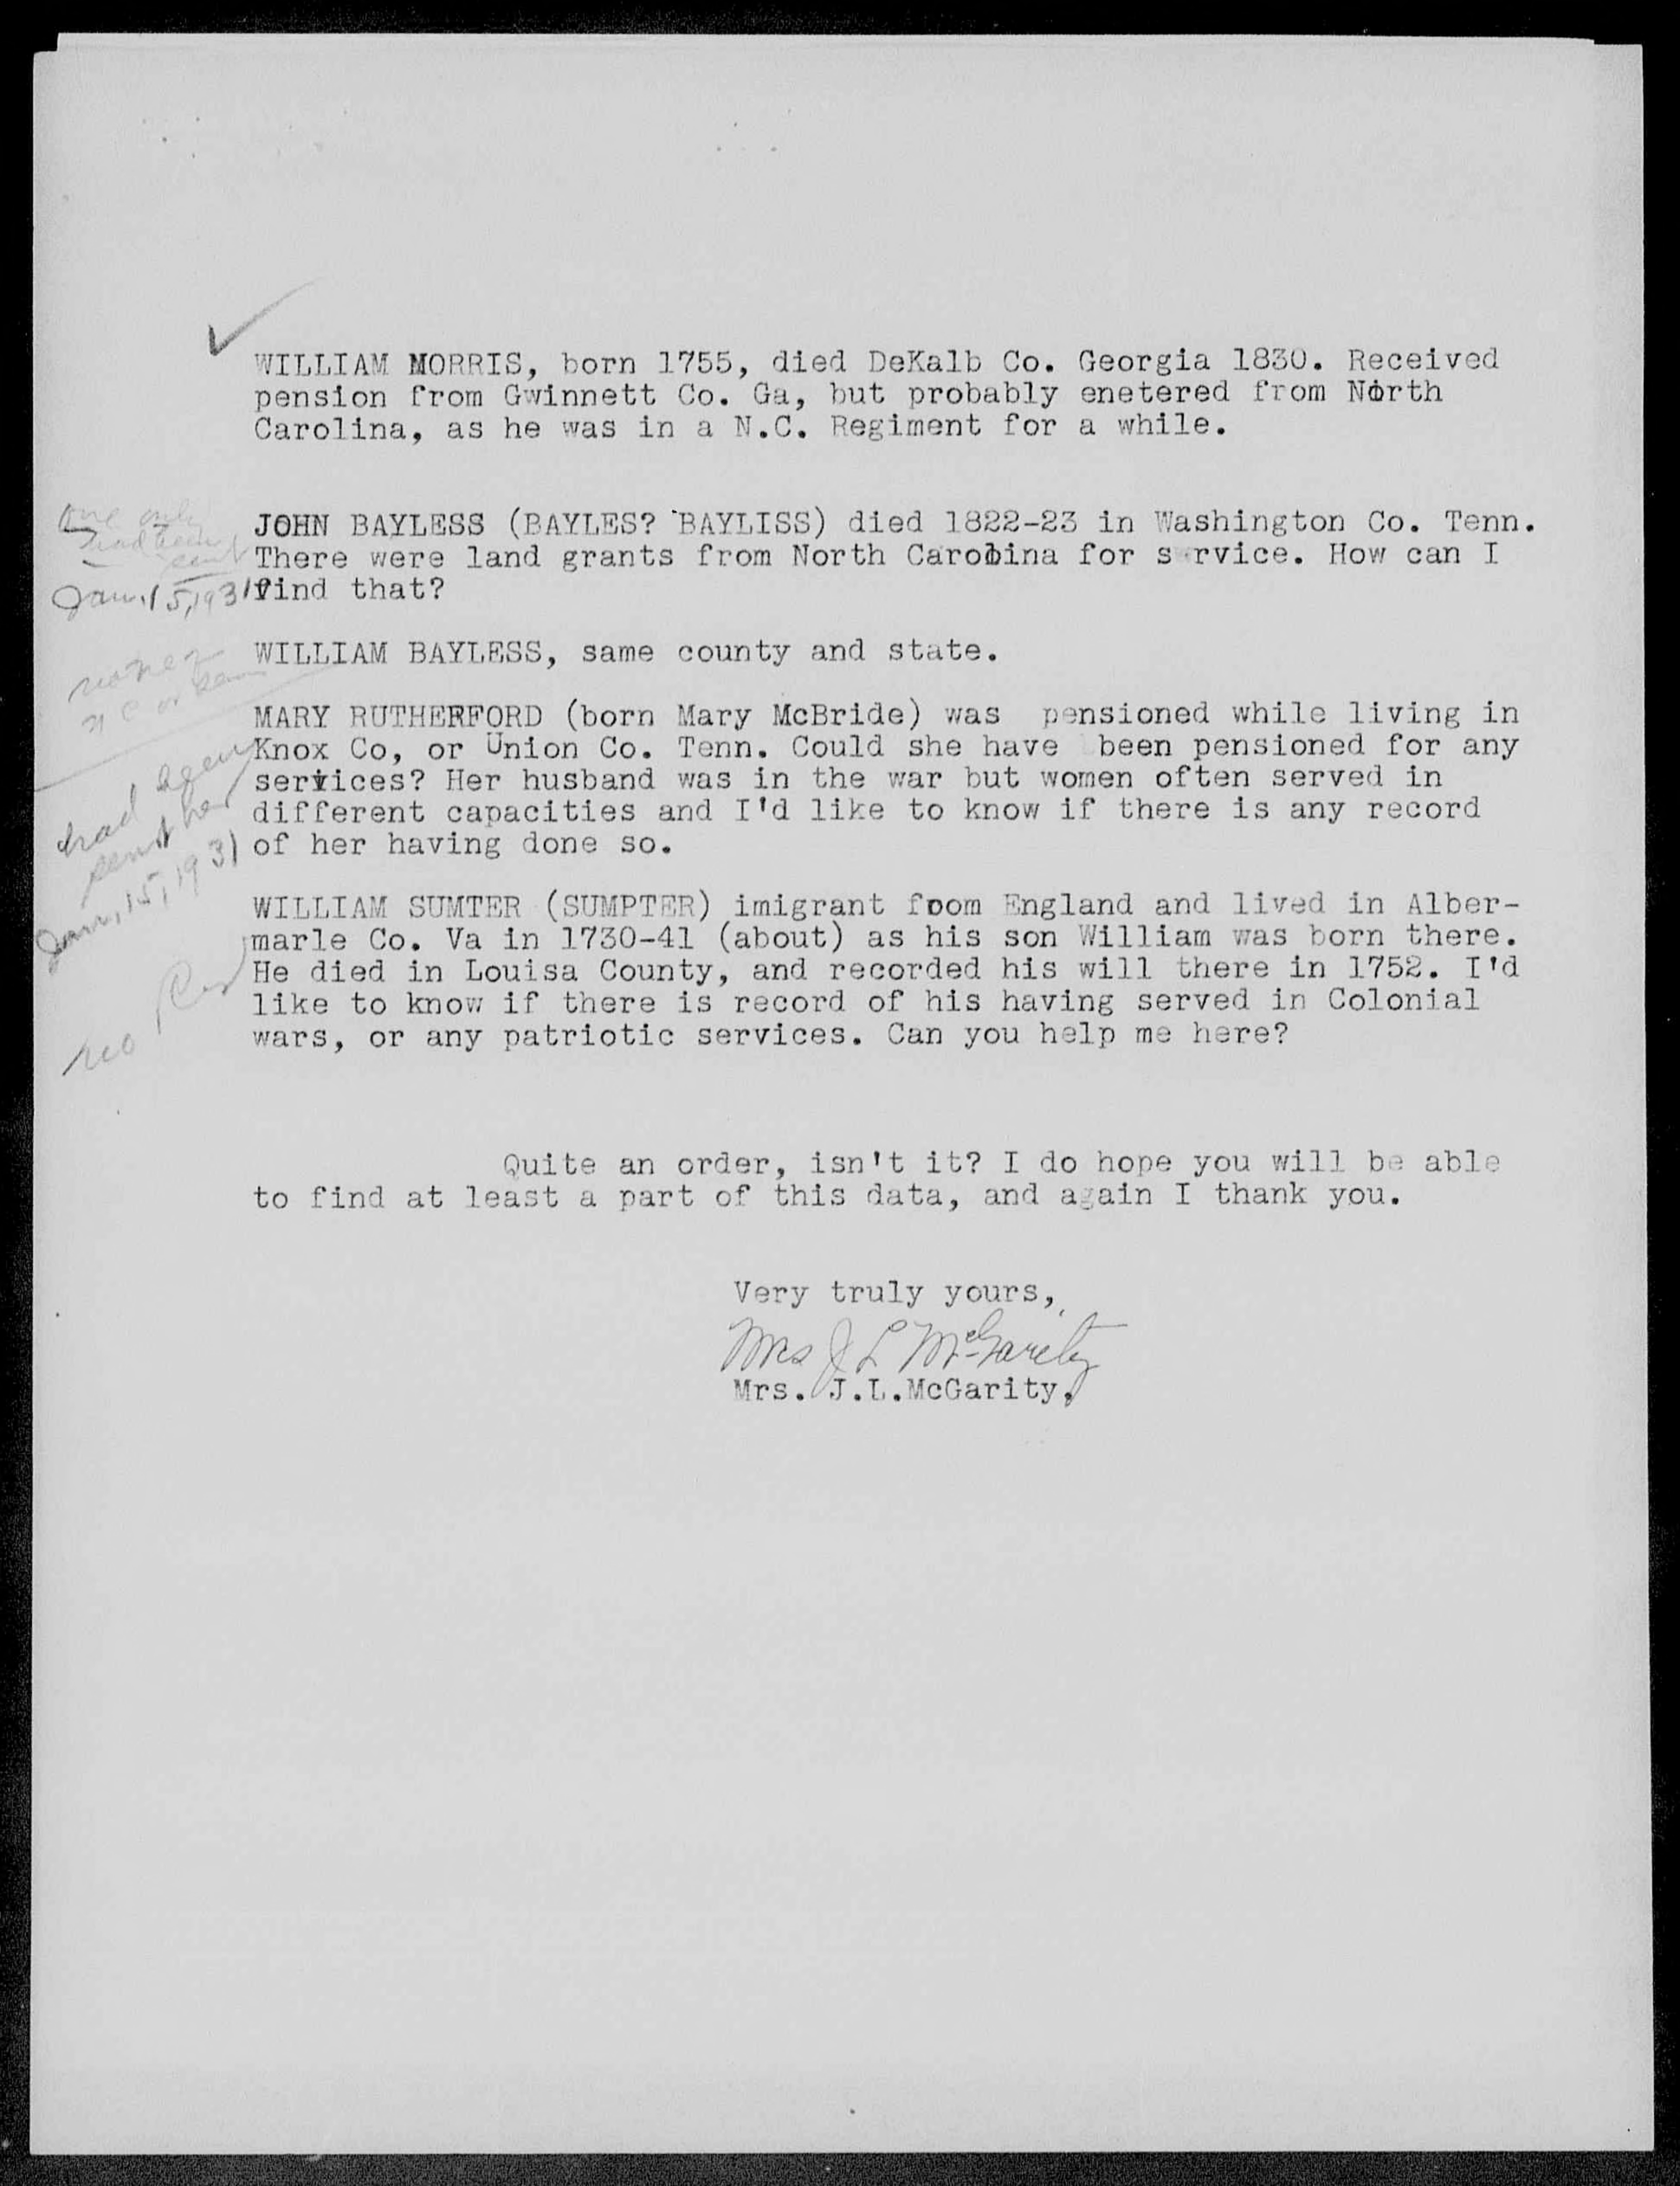WILLIAM MORRIS, born 1755, died DeKalb Co. Georgia 1830. Received
pension from Gwinnett Co. Ga, but probably entered from North 
Carolina, as he was in a N.C. Regiment for a while.

[note in margin:  
One only 
and been 
sent
Jan 15, 1931]
JOHN BAYLESS ( BAYLES? BAYLISS ) died 1822-23 in Washington Co. Tenn.
There were land grants from North Carolina for service. How can I
find that?

[note in margin:
none of
NC or Tenn]
WILLIAM BAYLESS, same county and state.

[note in margin:
had been
sent her
Jan. 15, 1931]
MARY RUTHERFORD (born Mary McBride) was pensioned while living in
Knox Co, or Union Co. Tenn. Could she have been pensioned for any
services? Her husband was in the war but women often served in
different capacities and I'd like to know if there is any record
of her having done so.

[note in margin;
illegible]
WILLIAM SUMTER (SUMPTER) imigrant [immigrant] from England and lived in Alber-
marle Co. Va in 1730-41 (about) as his son William was born there.
He died in Louisa County, and recorded his will there in 1752.  I'd
like to know if there is record of his having served in Colonial
wars, or any patriotic services. Can you help me here?

Quite an order, isn't it? I do hope you will be able
to find at least a part of this data, and again I thank you.

Very truly yours,
Mrs J L McGarity [signature]
Mrs. J. L. McGarity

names: John Bayliss, Mary Mc Bride, Mary Rutherford, John Bayless, William Sumpter, William Bayless, J L Mc Garity, William Sumter, William Morris, J L Mc Garity, John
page: 21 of 23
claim: survivor's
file: S. 30,937, Adam Clapp, N.C.